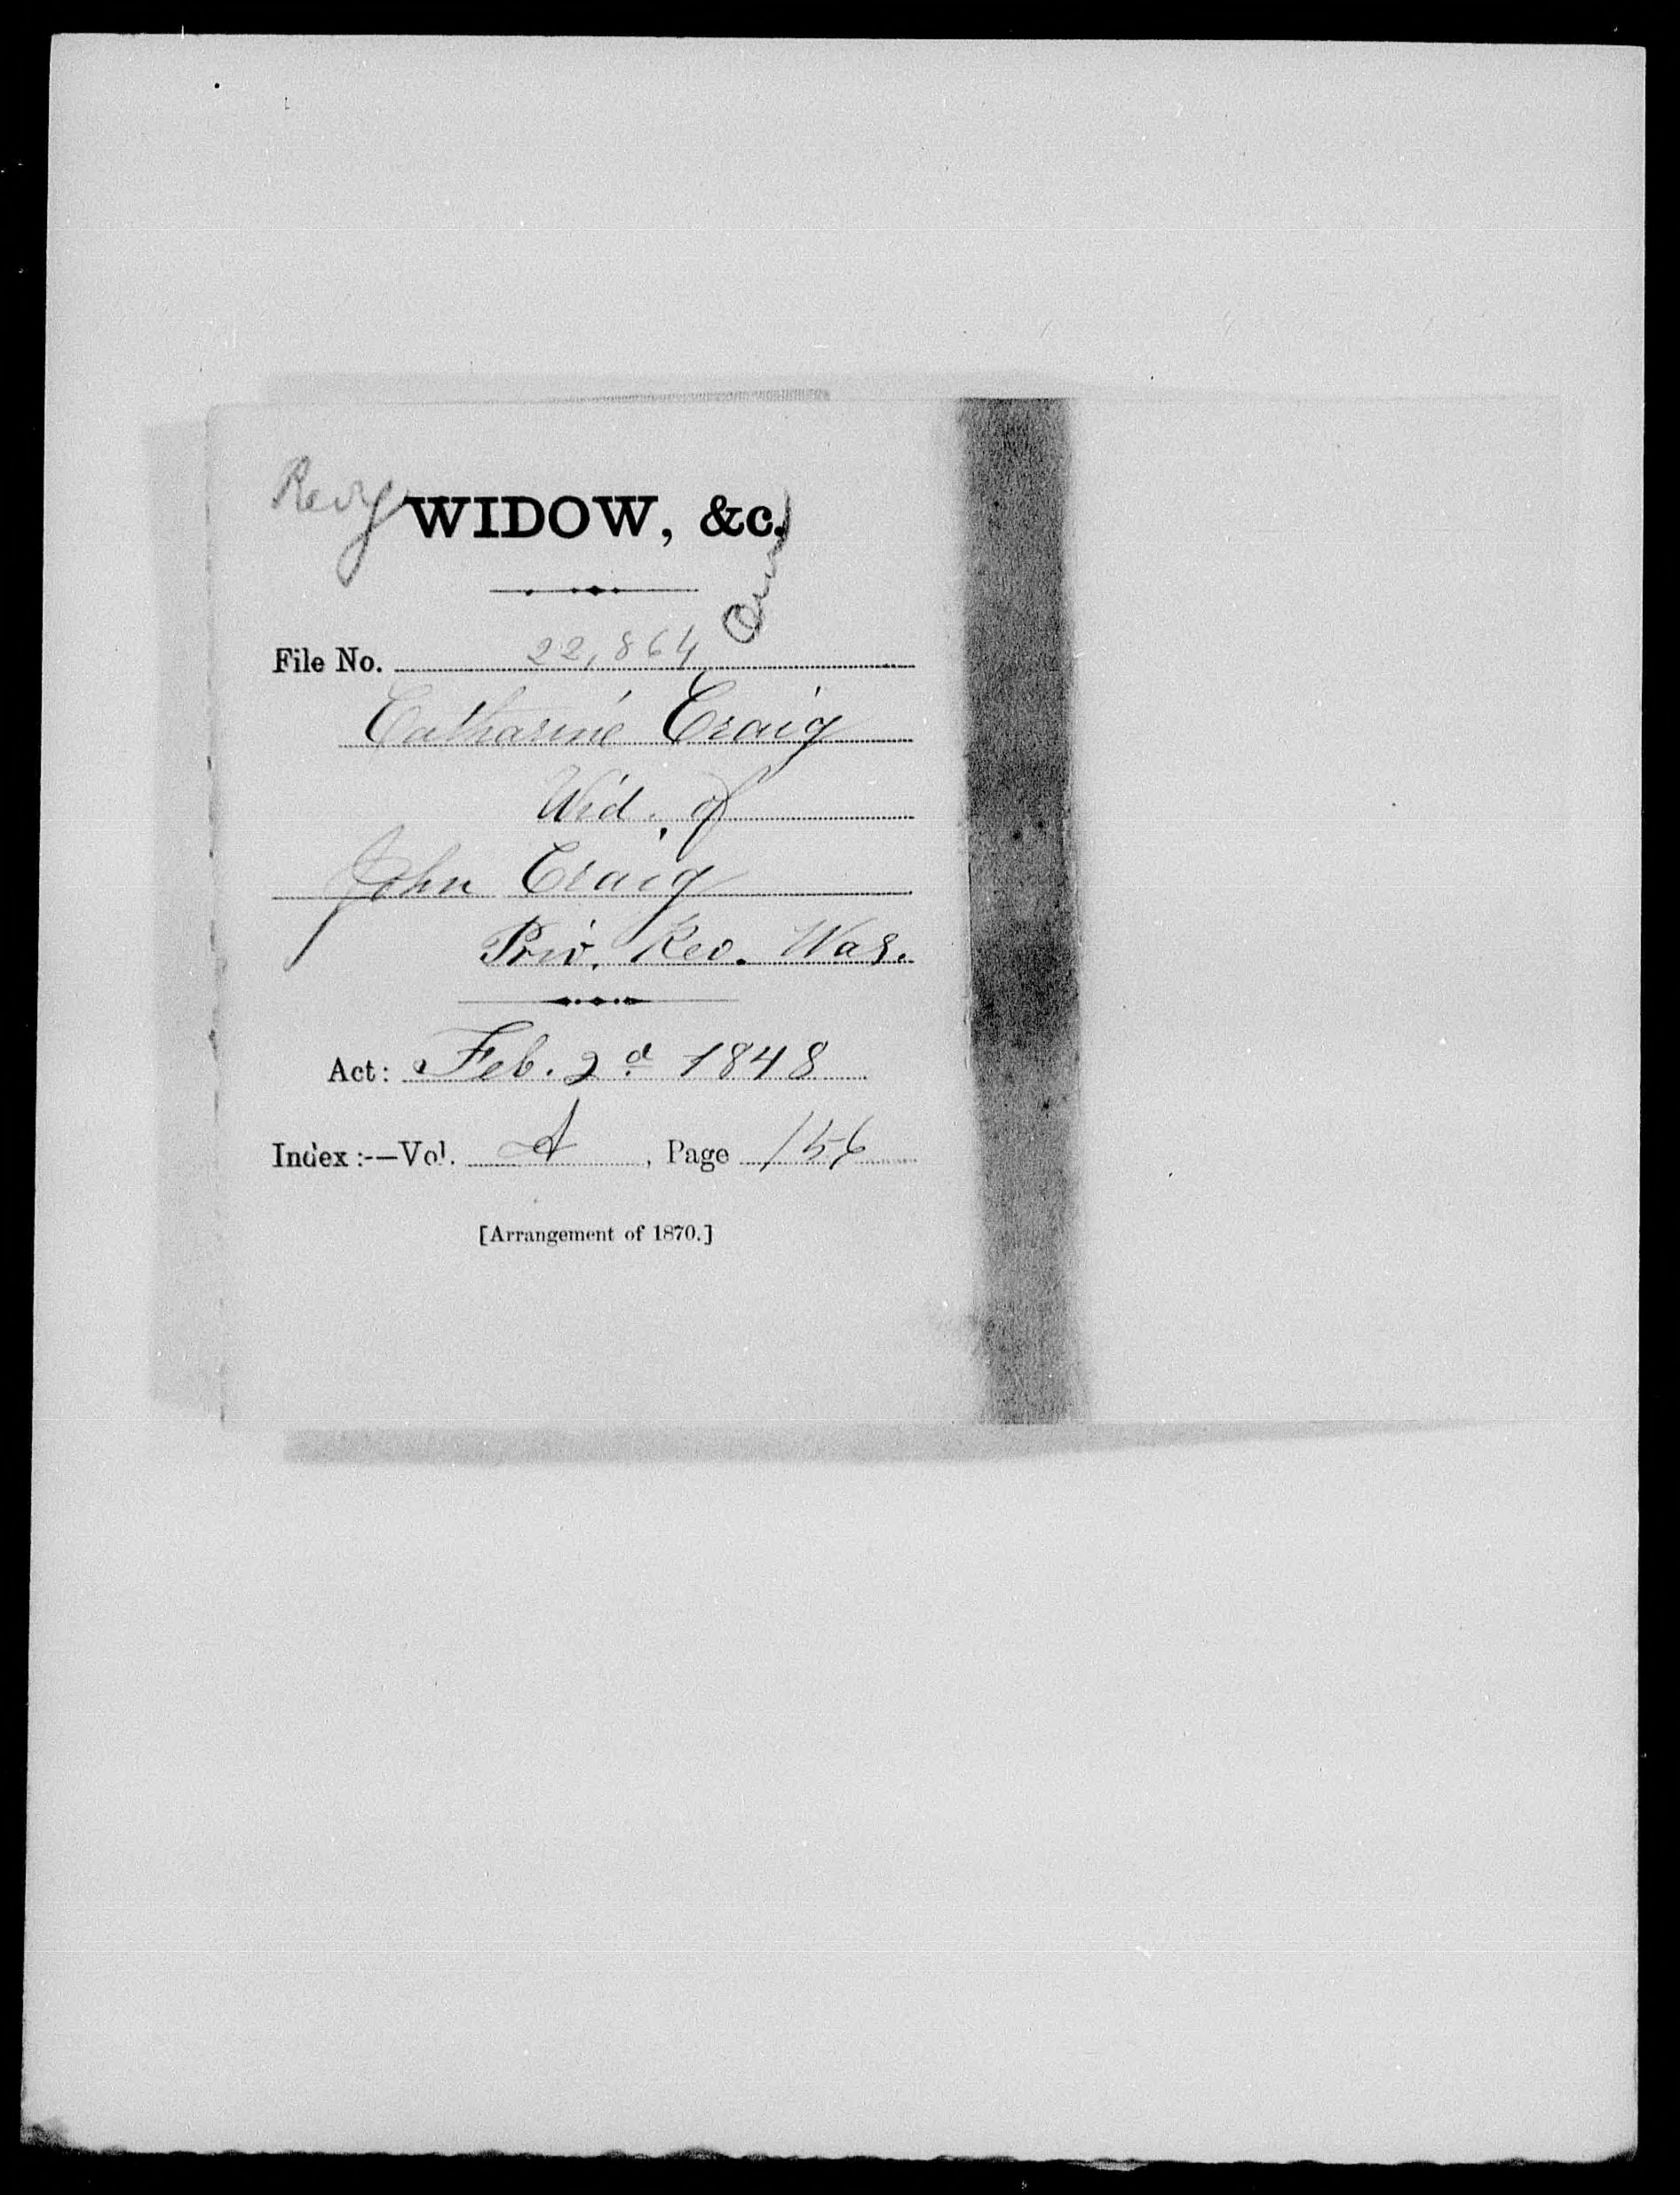Revy Widow, &c.

File No. 22,864
Catharine Craig
Wid. of
John Craig
Priv. Rev. War

Act: Feb 2d 1848
Index - Vol A, Page 156
(Arrangement of 1870)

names: Catharine Craig, John Craig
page: 16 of 55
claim: widow's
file: W. 22864, John Craig, S.C. Born In Iceland